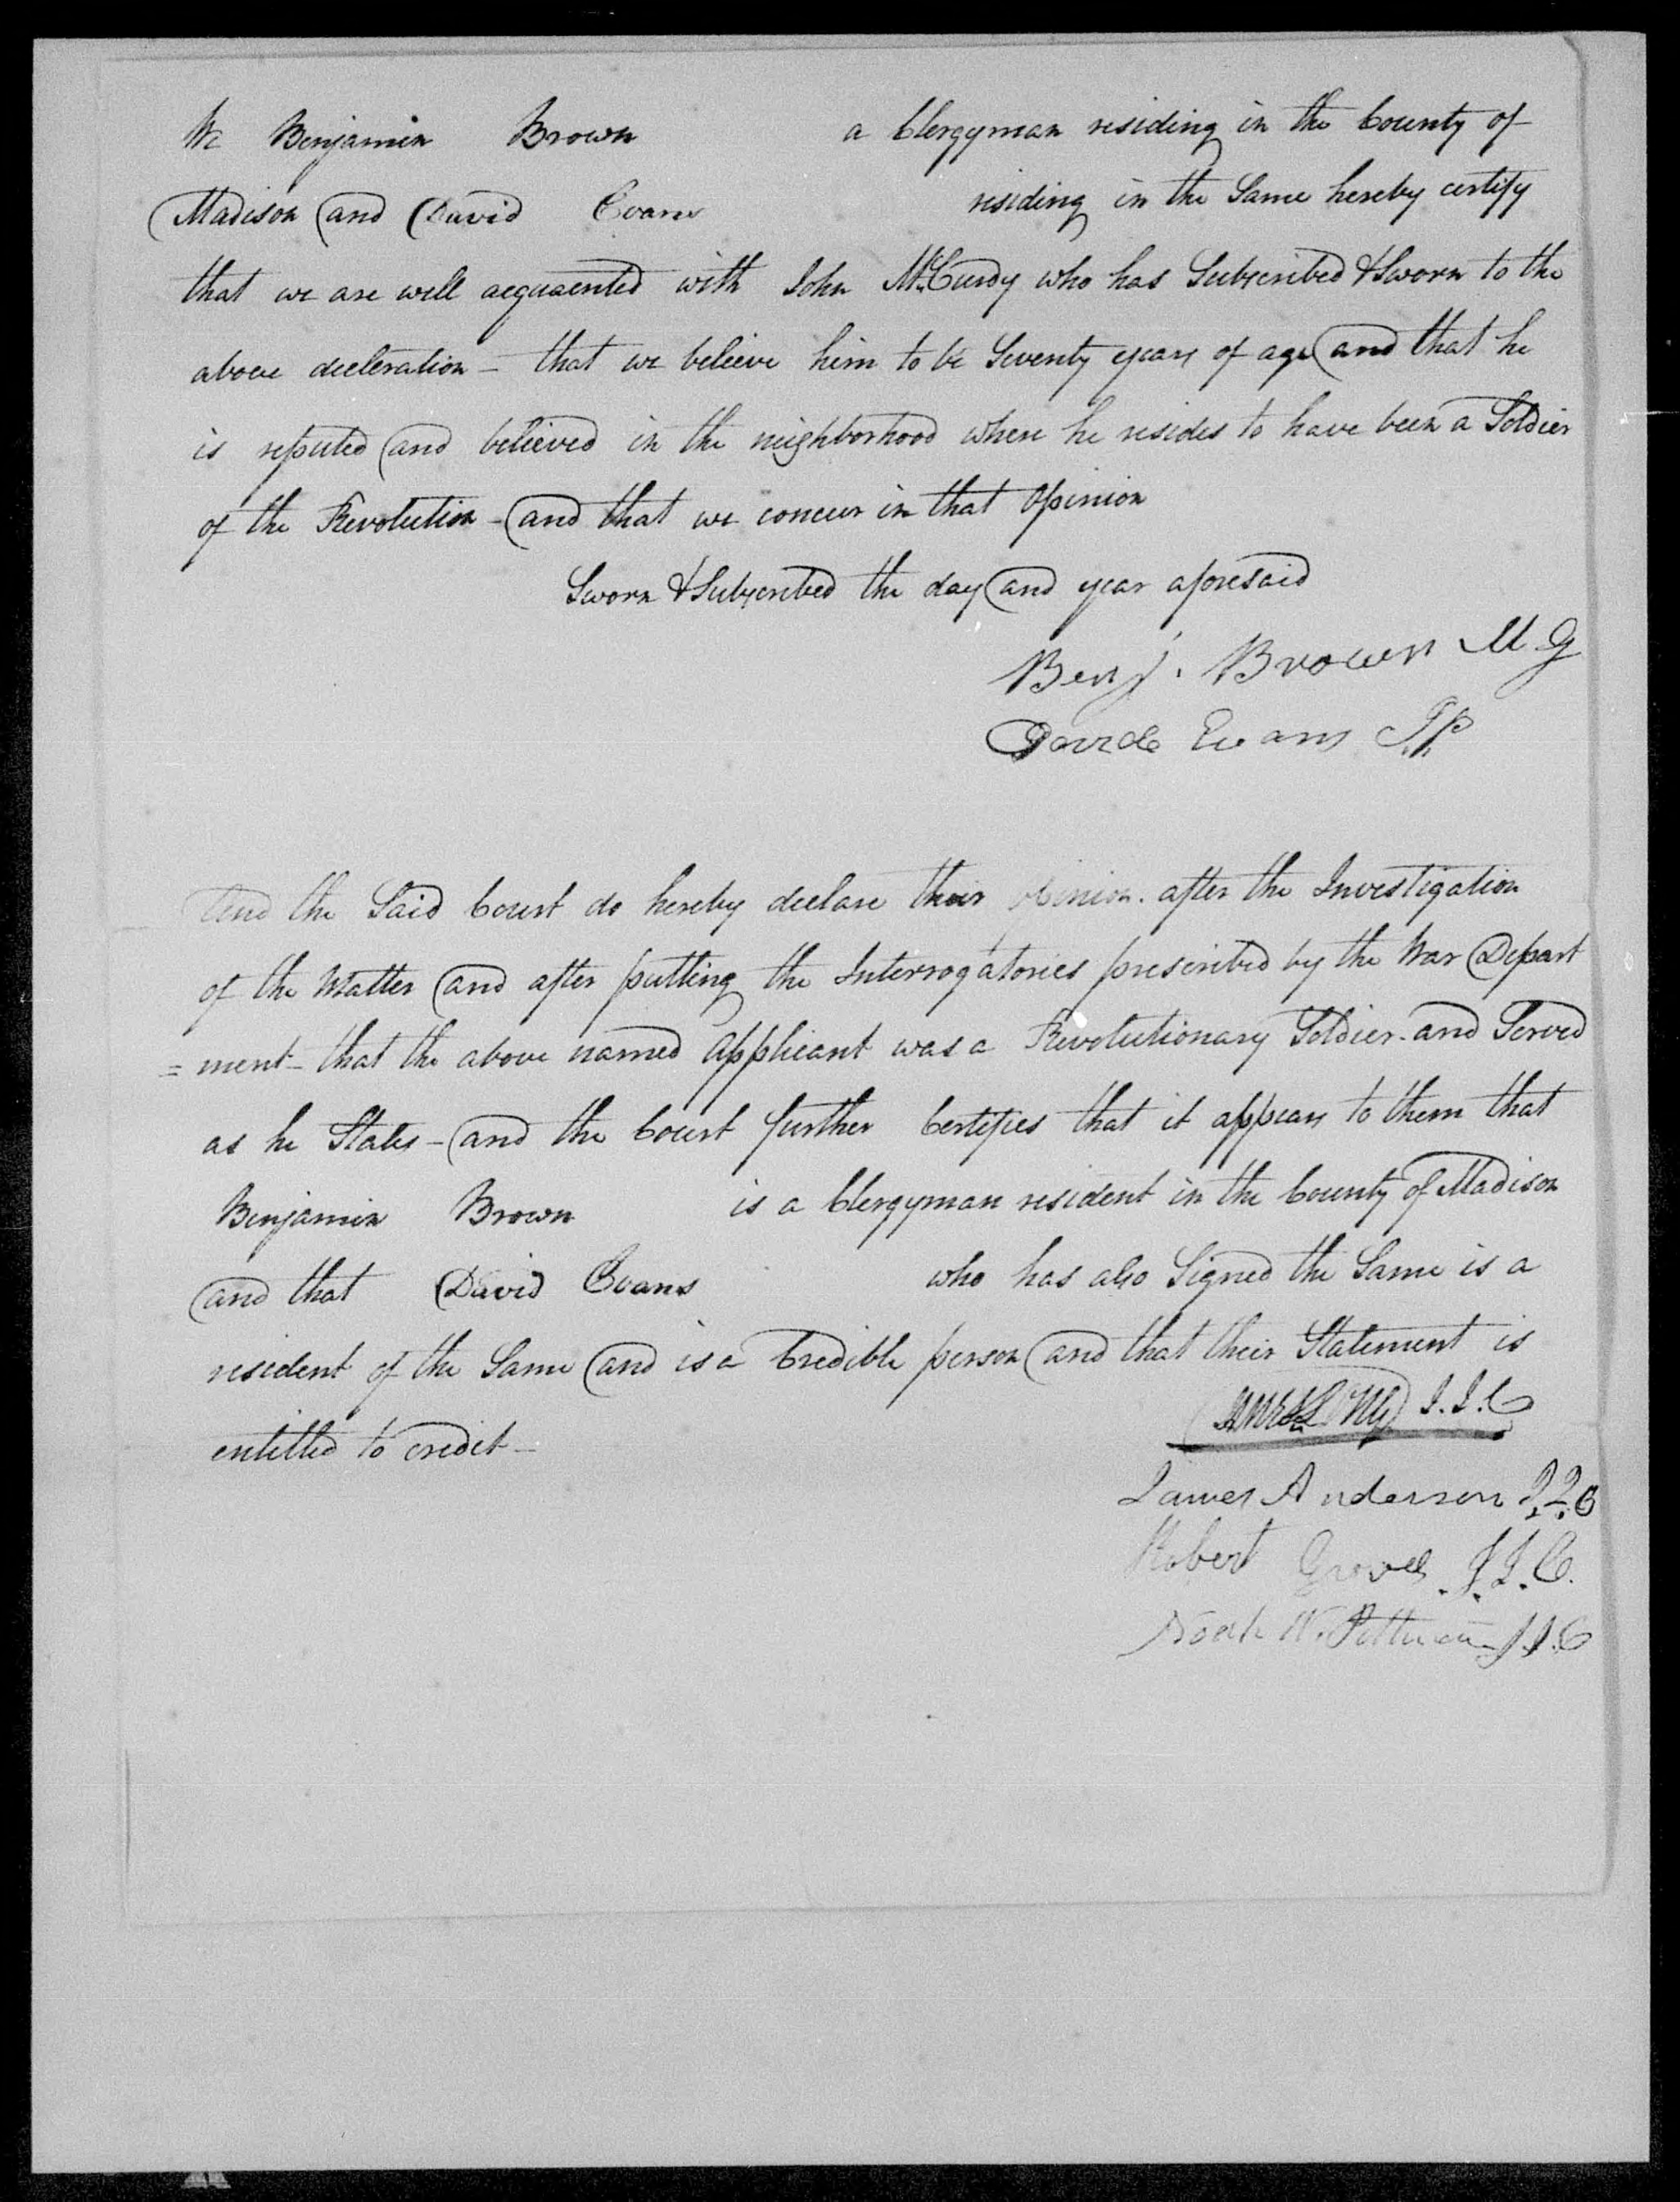Mr. Benjamin Brown   a Clergyman residing in the County of Madison and David Evans        residing in the same hereby certify
that we are well acquainted with John McCurdy who has subscribed  (?) to the above declaration-that we believe him to be Seventy years of age and that he is ? andbelieved in the neighborhood where he resides to have been a Soldier of the Revolution - and that we concur in that opinion.

Sworn ? the day and year aforesaid
Benj. Brown, ?
David Evans G.P.

And the said court do hereby declare their opinion after the Investigation of the matters and after putting the Interrogatories prescribed by the War Department-that the above named applicant was a Revolutionary Soldier-and served as he states-and the court further certifies that it appears to them that Benjamin Brown is clergyman resident in the county of Madision and that David Evans who has also signed the same is a resident of same and is a credible person and that their statement is entitled to credit.

(undecipherable)
James Anderson 
Robert Groves, J.J.G.
Noah W. Pittman, J.J. G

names: David Evans; James Anderson; Robert Groves; John Mc Curdy; Noah W Pittman; Benjamin Brown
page: 5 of 19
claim: survivor's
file: S. 31,855, for John Mc Curdy, Pennsylvania